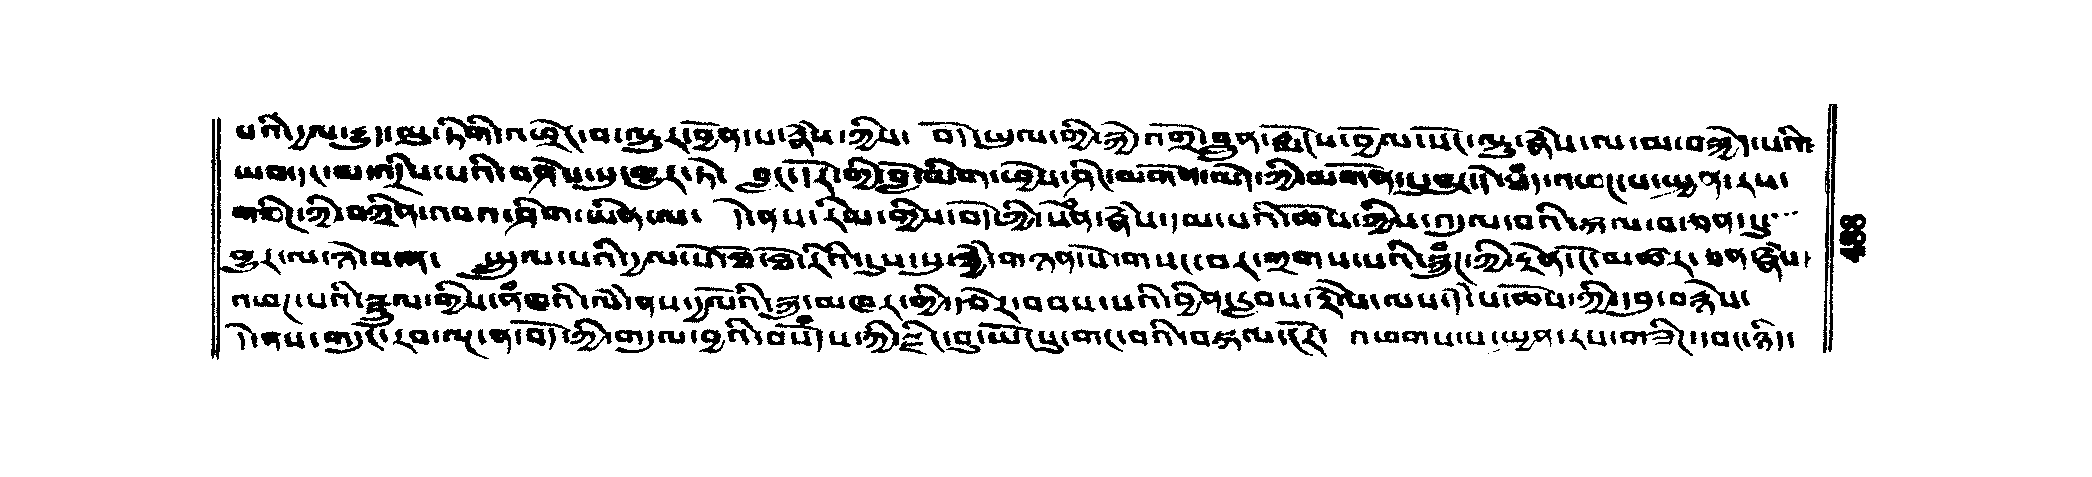པའི་རྒྱལ་རྒྱུད་མུ་ཏིག་གི་འཕྲེང་བ་ལྟ་བུ་བྱོན་པ་རྣམས་ཀྱིས་བོད་ཡུལ་གྱི་བླུན་རྨོངས་བྱོལ་སོང་ལྟ་བུ་རྣམས་ལ་མ་བསྐྱེད་པའི་
ཡུམ་དང་མ་འདྲིས་པའི་བཤེས་སུ་གྱུར་ཏེ། བླང་དོར་གྱི་བློ་མིག་ཕྱེས་ཤིང་མགོན་མེད་ཀྱི་མགོན་དུ་གྱུར་དེ་ཐམས་ཅད་འཕགས་པ་སྤྱན་རས་
གཟིགས་ཀྱི་བཀའ་དྲིན་འབའ་ཞིག་ཡིན་ལ། དེ་ནས་རིམ་གྱིས་བོད་ཀྱི་སེམས་ཅན་རྣམས་ཆོས་ཀྱི་འདུལ་བའི་སྐལ་བ་ཅན་དུ་
གྱུར་ལ་ཉེ་བ་ན། སྤྲུལ་པའི་རྒྱལ་པོ་ཐོ་ཐོ་རིའི་སྐབས་སུ་ཐུགས་རྗེ་གཉན་པོ་གསང་བར་གྲགས་པའི་སྐུ་གསུང་ཐུགས་ཀྱི་རྟེན་ངོ་མཚར་ཅན་རྣམས་
འཕགས་པའི་རྫུ་འཕྲུལ་གྱིས་ནམ་མཁའི་ལམ་ནས་རྒྱལ་པོའི་སྐུ་མཁར་གྱི་རྩེར་བབས་པའི་བྱིན་རླབས་ལས་དམ་པ་ཆོས་ཀྱི་དབུ་བརྙེས།
དེ་ནས་གདུང་རབས་ལྔ་ན་བོད་ཀྱི་གདུལ་བྱའི་བསོད་ནམས་ཀྱི་རྫིང་བུ་ཡོངས་སུ་གང་བའི་སྐལ་ངོར། འཕགས་པ་སྤྱན་རས་གཟིགས་དབང་ཉིད་